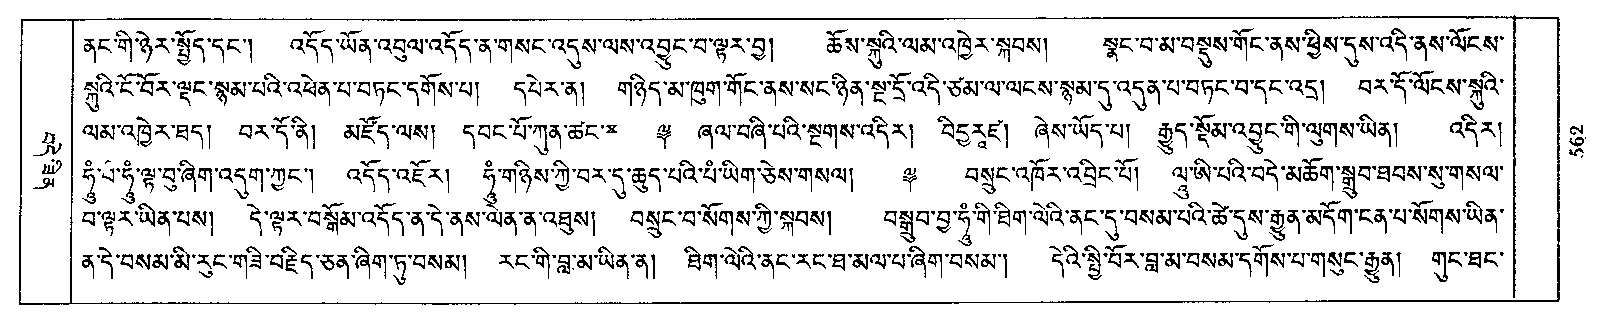ནང་གི་ཉེར་སྤྱོད་དང་། འདོད་ཡོན་འབུལ་འདོད་ན་གསང་འདུས་ལས་འབྱུང་བ་ལྟར་བྱ། ཆོས་སྐུའི་ལམ་འཁྱེར་སྐབས། སྣང་བ་མ་བསྡུས་གོང་ནས་ཕྱིས་དུས་འདི་ནས་ལོངས་
སྐུའི་ངོ་བོར་ལྡང་སྙམ་པའི་འཕེན་པ་བཏང་དགོས་པ། དཔེར་ན། གཉིད་མ་ཁུག་གོང་ནས་སང་ཉིན་སྔ་དྲོ་འདི་ཙམ་ལ་ལངས་སྙམ་དུ་འདུན་པ་བཏང་བ་དང་འདྲ། བར་དོ་ལོངས་སྐུའི་
ལམ་འཁྱེར་ཐད། བར་དོ་ནི། མཛོད་ལས། དབང་པོ་ཀུན་ཚང་྾་༈ ཞལ་བཞི་པའི་སྔགས་འདིར། བིདྱ་རཱ་ཛ། ཞེས་ཡོད་པ། རྒྱུད་སྡོམ་འབྱུང་གི་ལུགས་ཡིན། འདིར།
ཧཱུཾ་བཾ་ཧཱུཾ་ལྟ་བུ་ཞིག་འདུག་ཀྱང་། འདོད་འཇོར། ཧཱུཾ་གཉིས་ཀྱི་བར་དུ་ཆུད་པའི་པཾ་ཡིག་ཅེས་གསལ། ༈ བསྲུང་འཁོར་འབྲིང་པོ། ལཱུ་ཨི་པའི་བདེ་མཆོག་སྒྲུབ་ཐབས་སུ་གསལ་
བ་ལྟར་ཡིན་པས། དེ་ལྟར་བསྒོམ་འདོད་ན་དེ་ནས་ལེན་ན་འཐུས། བསྲུང་བ་སོགས་ཀྱི་སྐབས། བསྒྲུབ་བྱ་ཧཱུཾ་གི་ཐིག་ལེའི་ནང་དུ་བསམ་པའི་ཚེ་དུས་རྒྱུན་མདོག་ངན་པ་སོགས་ཡིན་
ན་དེ་བསམ་མི་རུང་གཟི་བརྗིད་ཅན་ཞིག་ཏུ་བསམ། རང་གི་བླ་མ་ཡིན་ན། ཐིག་ལེའི་ནང་རང་ཐ་མལ་པ་ཞིག་བསམ། དེའི་སྤྱི་བོར་བླ་མ་བསམ་དགོས་པ་གསུང་རྒྱུན། གུང་ཐང་